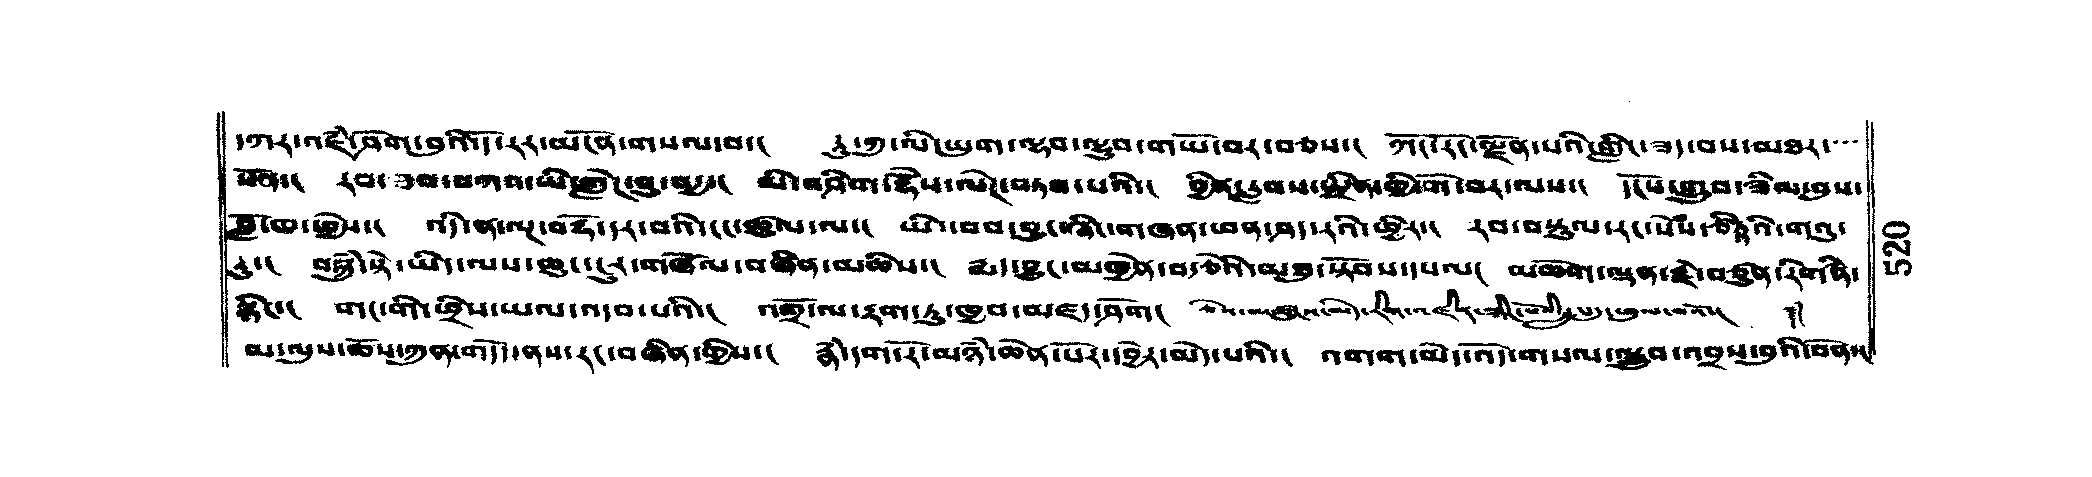།དཀར་འཇམ་ཤོག་བུའི་དོ་རར་མངོན་གསལ་བ། །དུ་ཀུ་ལི་ཡུག་ལྷབ་ལྷུབ་གཡོ་བར་བཅས། །ཀོང་རོང་ལྗོན་པའི་གླིང་ཟད་བས་མཐར་
སོན། །རབ་ཟབ་བཀའ་ཡི་གླེགས་བུ་བརྒྱ། །མི་བཤིག་རྡོ་རྗེས་ལེགས་བཏབ་པའི། །བྱིན་རླབས་སྤྲིན་གྱི་གོ་བར་ལས། །དངོས་གྲུབ་ཟིམ་བུས་
བློ་ཁ་ཕྱེས། །འདི་ན་ལྔ་བརྡོ་དར་བའི་ངང་ཚུལ་ལ། །ཡིད་རབ་བྱུང་ཞིང་གཞན་ཕན་བྱ་བའི་ཕྱིར། །རབ་བརྟུལ་རང་སེམས་ཙིཏྟའི་གའུ་
རུ། །བསྐུམ་སྟེ་ཡིད་ལས་ཆུང་ངུར་གཞོལ་བཞིན་མཆིས། །རྨད་བྱུང་མཁྱེན་བརྩེའི་མཐུ་སྟོབས་དཔལ། །མཆོག་ལྡན་རྗེ་བཙུན་རིག་འཛིན་
སྙིང་། །གང་གི་ཕྲིན་ལས་ཡལ་འདབ་པའི། །འགྲོ་ལ་རྟག་ཏུ་ཁྱབ་མཛད་ཤོག། ཅེས་མཚུངས་མེད་རིག་འཛིན་སྙིང་པོའི་དྲུང་དུ་ཕུལ་པའོ།། ༈ 
མ་ལུས་ཆོས་ཀུན་གདོད་ནས་རང་བཞིན་གྱིས། །རྣམ་དག་རོ་མཉམ་ཆེན་པོར་དབྱེར་མེད་པའི། །འགགས་མེད་འོད་གསལ་ལྷུན་གྲུབ་འབྲས་བུའི་བོན།